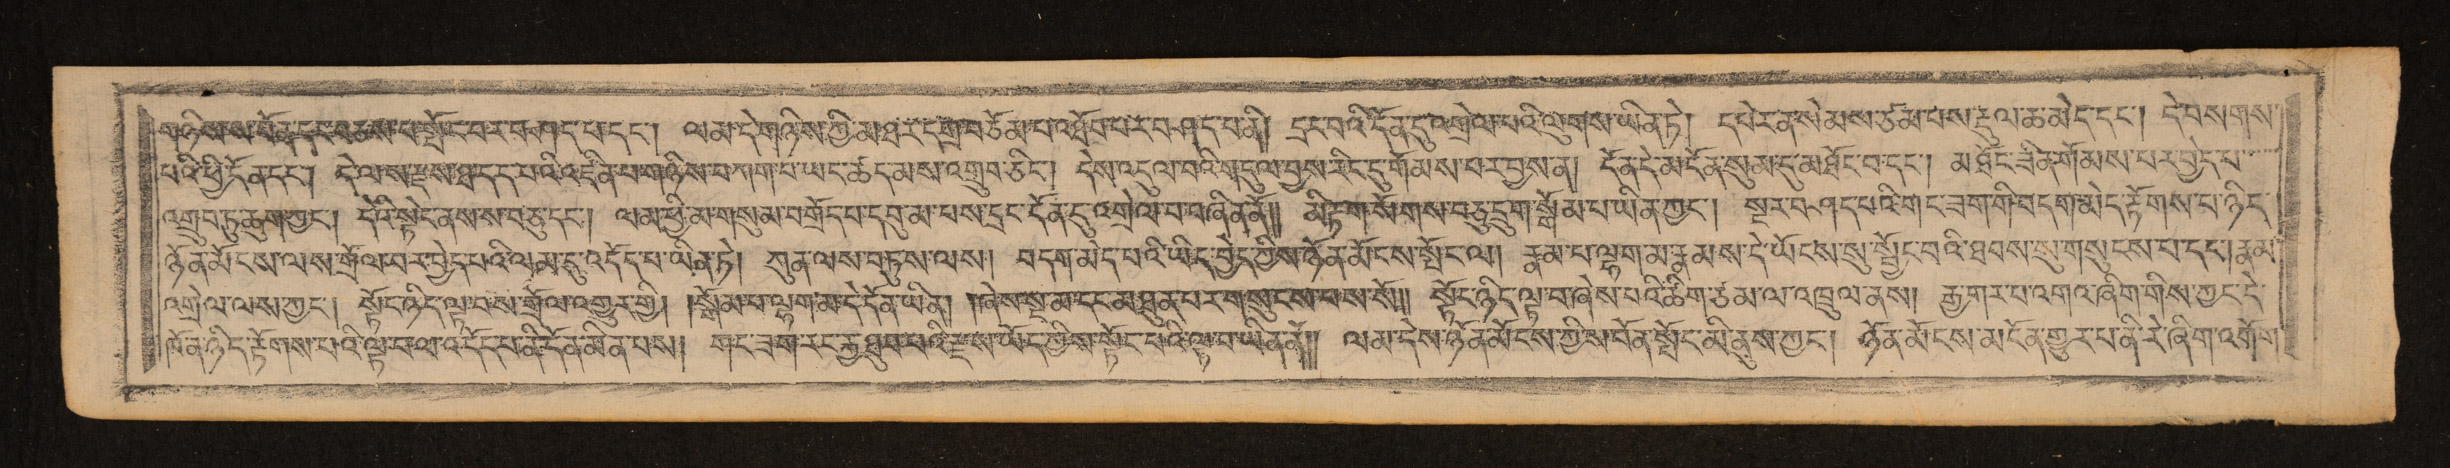གཉིས་ས་བོན་དང་བཅས་པ་སྤོང་བར་བཤད་པ་དང་། ལམ་དེ་གཉིས་ཀྱི་མཐར་དགྲ་བཅོམ་པ་འཐོབ་པར་བཤད་པ་ནི། དྲང་བའི་དོན་དུ་འགྲེལ་པའི་ལུགས་ཡིན་ཏེ། དཔེར་ན་སེམས་ཙམ་པས་རྡུལ་ཆ་མེད་དང་། དེ་བསགས་
པའི་ཕྱི་དོན་དང་། དེ་ལས་རྫས་ཐ་དད་པའི་འཛིན་པ་གཉིས་བཀག་པ་ཡང་ཚད་མས་འགྲུབ་ཅིང་། དེས་འདུལ་བའི་གདུལ་བྱས་རིང་དུ་གོམས་པར་བྱས་ན། དོན་དེ་མངོན་སུམ་དུ་མཐོང་བ་དང་། མཐོང་ཟིན་གོམས་པར་བྱེད་པ་
འགྲུབ་ཏུ་ཆུག་ཀྱང་། དེའི་སྟེང་ནས་ས་བཅུ་དང་། ལམ་ཕྱི་མ་གསུམ་བགྲོད་པ་དབུ་མ་པས་དྲང་དོན་དུ་འགྲེལ་བ་བཞིན་ནོ།། མི་རྟག་སོགས་བཅུ་དྲུག་སྒོམ་པ་ཡིན་ཀྱང་། སྔར་བཤད་པའི་གང་ཟག་གི་བདག་མེད་རྟོགས་པ་ཉིད་
ཉོན་མོངས་ལས་གྲོལ་བར་བྱེད་པའི་ལམ་དུ་འདོད་པ་ཡིན་ཏེ། ཀུན་ལས་བཏུས་ལས། བདག་མེད་པའི་ཡིད་བྱེད་ཀྱིས་ཉོན་མོངས་སྤོང་ལ། རྣམ་པ་ལྷག་མ་རྣམས་དེ་ཡོངས་སུ་སྦྱོང་བའི་ཐབས་སུ་གསུངས་པ་དང་། རྣམ་
འགྲེལ་ལས་ཀྱང་། སྟོང་ཉིད་ལྟ་བས་གྲོལ་འགྱུར་གྱི། །སྒོམ་པ་ལྷག་མ་དེ་དོན་ཡིན། །ཞེས་སྔ་མ་དང་མཐུན་པར་གསུངས་པས་སོ།། སྟོང་ཉིད་ལྟ་བ་ཞེས་པའི་ཚིག་ཙམ་ལ་འཁྲུལ་ནས། རྒྱ་གར་པ་འགའ་ཞིག་གིས་ཀྱང་དེ་
ཁོ་ན་ཉིད་རྟོགས་པའི་ལྟ་བ་ལ་འདོད་པ་ནི་དོན་མིན་པས། གང་ཟག་རང་རྐྱ་ཐུབ་པའི་རྫས་ཡོད་ཀྱིས་སྟོང་པའི་ལྟ་བ་ཡིན་ནོ།། ལམ་དེས་ཉོན་མོངས་ཀྱི་ས་བོན་སྤོང་མི་ནུས་ཀྱང་། ཉོན་མོངས་མངོན་གྱུར་པ་ནི་རེ་ཞིག་འགོག་